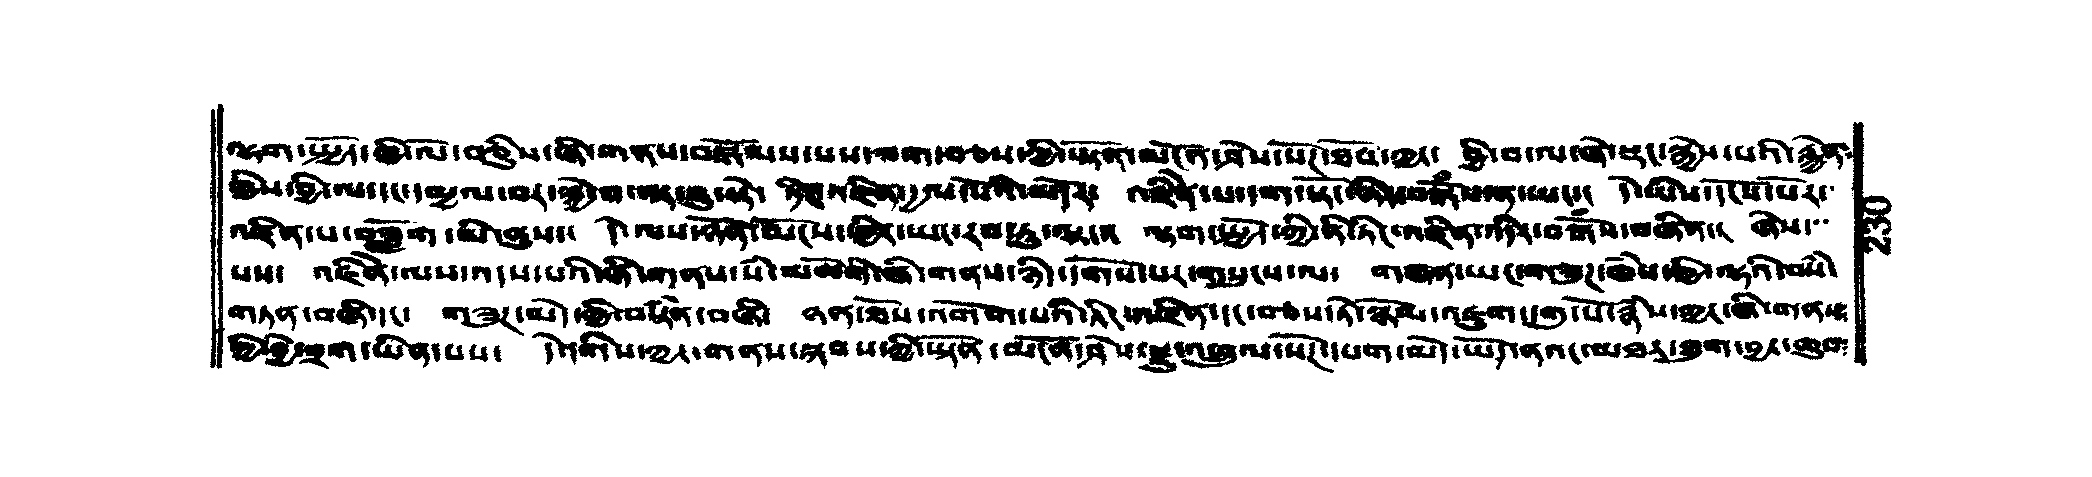ལྷག་སྤྱོད་ཀྱི་ལོ་བཅུ་གཉིས་ཞི་གནས་བསྒོམས་པས་ཟག་བཅས་ཀྱི་ཡོན་ཏན་མངོན་ཤེས་སོགས་ཐོབ་ཀྱང་། བྱི་བ་ལ་ཞེ་སྡང་སྐྱེས་པའི་རྐྱེན་
གྱིས་བྱི་ལ་དང་ལྷན་དུ་དམྱལ་བར་སྐྱེས་བ་ལྟ་བུ་སྟེ། ཏིང་འཛིན་རྒྱལ་པོའི་མདོར། འཇིག་རྟེན་པ་དག་སྟོང་ཉིད་བསྒོམས་ན་ཡང་། །དེ་ཡིས་དངོས་པོར་
འཛིན་པ་བཟློག་མི་ནུས། དེ་ལས་ཉོན་མོངས་ཕྱིར་ཡང་རབ་ཏུ་ལྡང་། །ལྷག་སྤྱོད་ཀྱི་ནི་ཏིང་འཛིན་འདི་བསྒོམས་བཞིན། ཞེས་
པས། འཇིག་རྟེན་ལས་འདས་པའི་ཞི་གནས་སམ་མཆོག་གི་ཞི་གནས་ཉིད་དགོས་པར་གསུངས་ལ། གཞན་ཡང་གཟུགས་ཁམས་ཀྱི་ལྷའི་བསམ་
གཏན་བཞི་དང་། གཟུགས་མེད་གྱི་བསམ་གཏན་བཞི། ཉན་ཐོས་འགོག་པའི་ཏིང་འཛིན་དང་བཅས་ཏེ་སྙོམ་འཇུག་དགུ་པོ་རྣམས་ཀྱང་ཞི་གནས་
ཀྱི་བྱེ་བྲག་ཡིན་པས།དེ་དག་གིས་ཀྱང་གནས་སྐབས་ཀྱི་ཡོན་ཏན་མངོན་ཤེས་རྫུ་འཕྲུལ་སོགས་དཔག་མེད་ཡོད་ནའང་མཐར་ཐུག་བྱང་ཆུབ་